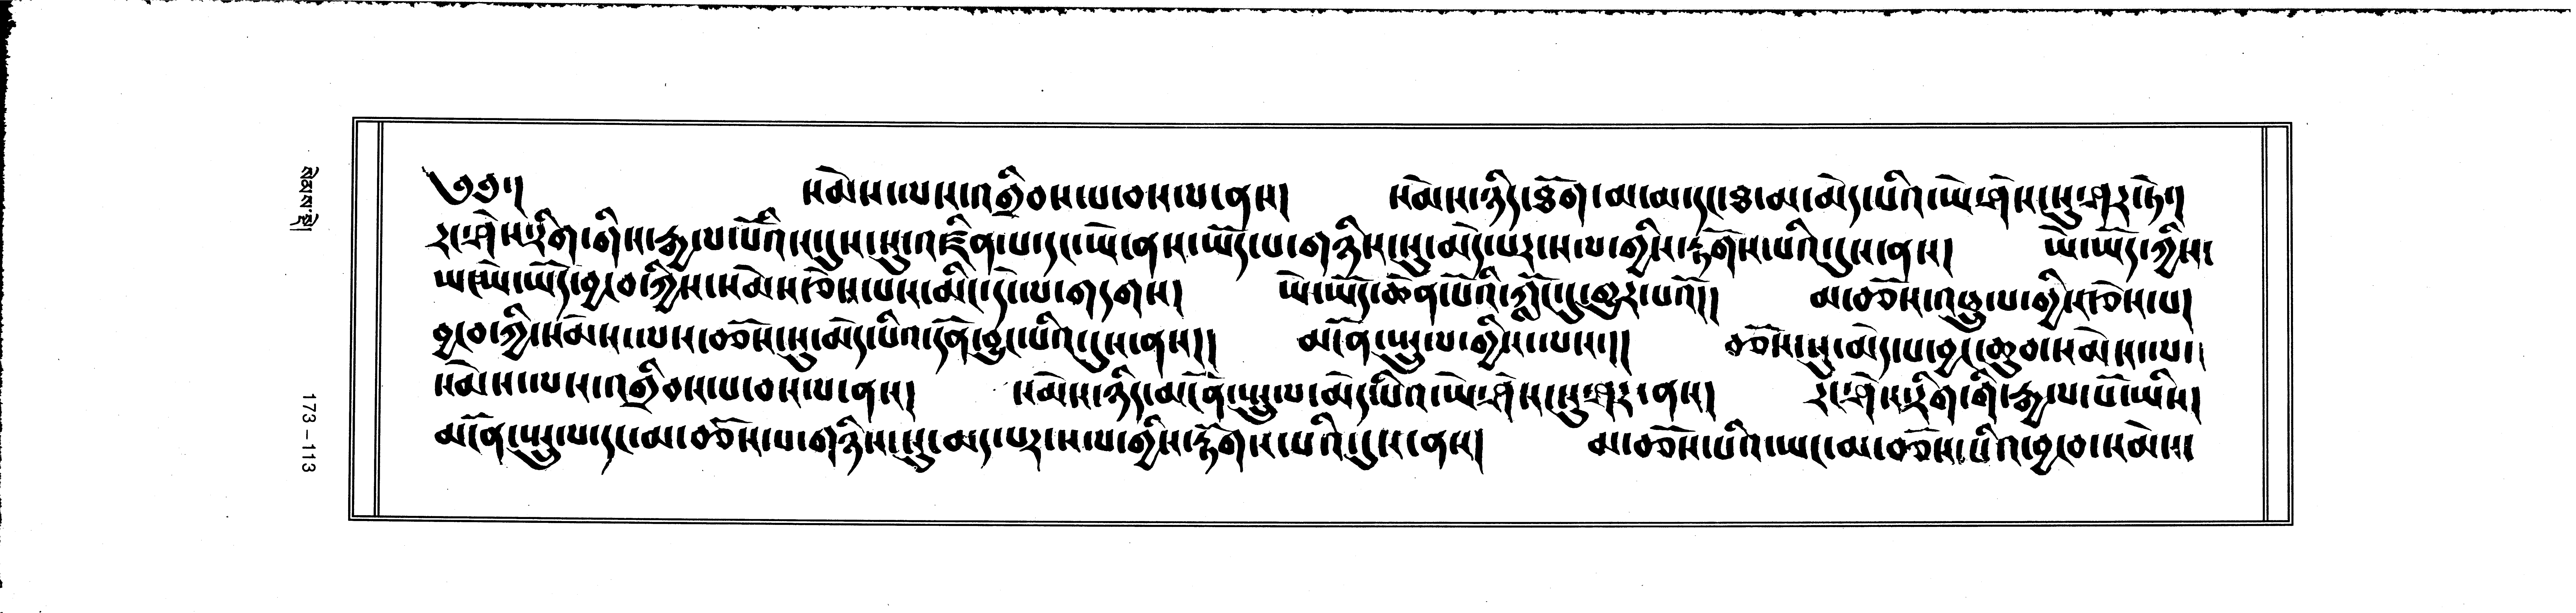སེམས་ལས་འགྲིབ་པ་བསལ་ནས། སེམས་ཉིད་ཐོག་མ་དང་ཐ་མ་མེད་པའི་ཡེ་ཤེས་སུ་ཤར་ཏེ། 
རང་ཤེས་རིག་གི་རྒྱལ་པོ་ཡིས་དུས་སུ་འཛིན་པ་དང་ཡེ་ནས་ཡོད་པ་གཉིས་སུ་མེད་པར་སལ་གྱིས་རྟོགས་པའི་དུས་ན། ཡེ་ཡོད་ཀྱིས་
ཀྱང་ཡེ་ཡོད་བྱང་ཆུབ་ཀྱི་སེམས་ཅེས་པས་མིང་དེ་ལ་གདགས། ཡེ་ཡོད་ཆེན་པོའི་ཀློང་དུ་གྱུར་པའོ། །མ་བཅོས་འཕྲུལ་གྱིས་ཅེས་པས། 
བྱང་ཆུབ་ཀྱི་སེམས་ལས། བཅོས་སུ་མེད་པའི་དོན་བྱུང་བའི་དུས་ནས། མངོན་སྤྲུལ་གྱི་ལས། བཅོས་སུ་མེད་པའི་བྱང་ཆུབ་སེམས་ལས་
སེམས་ལས་འགྲིབས་པ་བསལ་ནས། སེམས་ཉིད་མངོན་སྤྲུལ་མེད་པའི་ཡེ་ཤེས་སུ་ཤར་ནས། རང་ཤེས་རིག་གི་རྒྱལ་པོ་ཡིས་
མངོན་སྤྲུལ་དང་མ་བཅོས་པ་གཉིས་སུ་མེད་པར་སལ་གྱིས་རྟོགས་པའི་དུས་ན། མ་བཅོས་པའི་ཡང་མ་བཅོས་པའི་བྱང་ཆུབ་ཀྱི་སེམས་